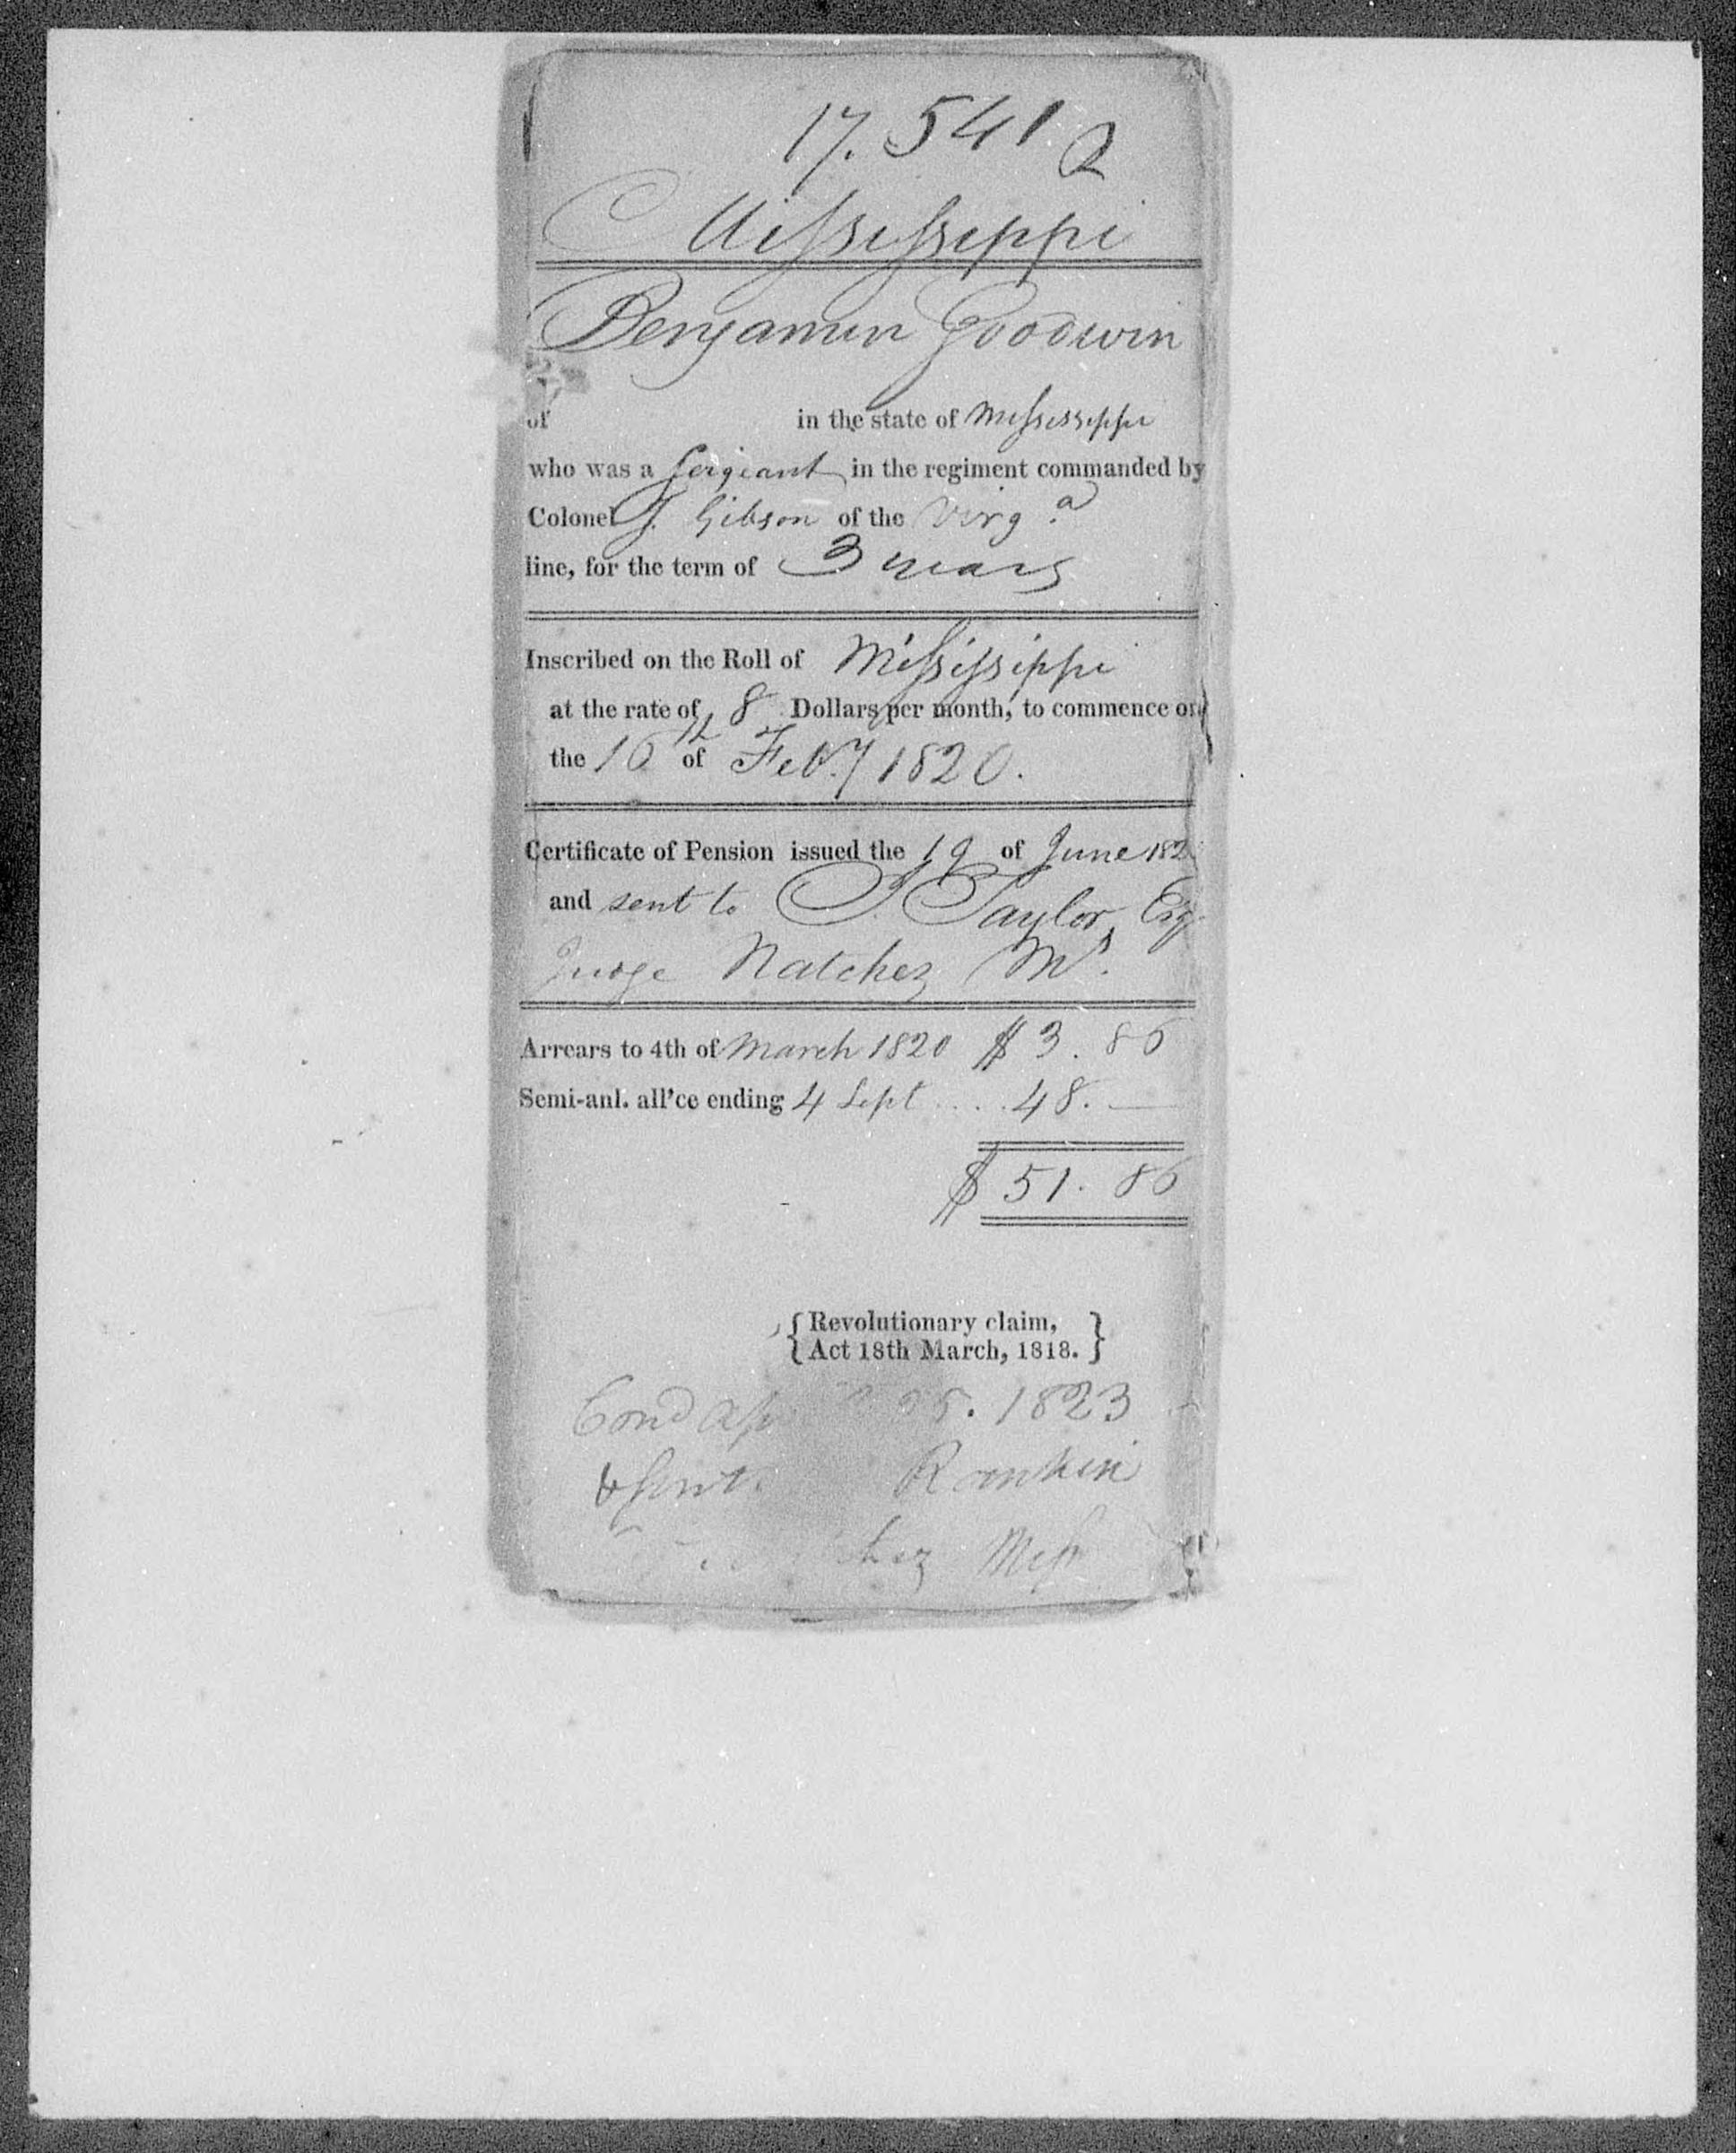`17.5410
C Mississippi
Benjamin Goodwin
of      in the state of Mississippi
who was a Sergeant in the regiment commanded by Colonel J. Gibson of the Virga. line, for the term of 3 years
Inscribed on the Roll of Mississippi at the rate of 8 Dollars per month, to commence on the 16th of Feby. 1820.
Certificate of Pension issued the 29 of June, 1820 and sent to J. Taylor, Esq. George Natchez Ms.
Arrears to 4th of March 1820    $3.86
Semi-anl. all'ce ending 4 Sept    48.
$51.86
{Revolutionary claim, Act 18th March, 1818.}
Cond April 25, 1823
& sent [illegible] Ramkin
[illegible]  Miss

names: J Taylor, Rankin, Benjamin Goodwin, J Gibson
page: 3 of 24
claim: survivor's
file: S. 34903, Benjamin Goodwin, Va.